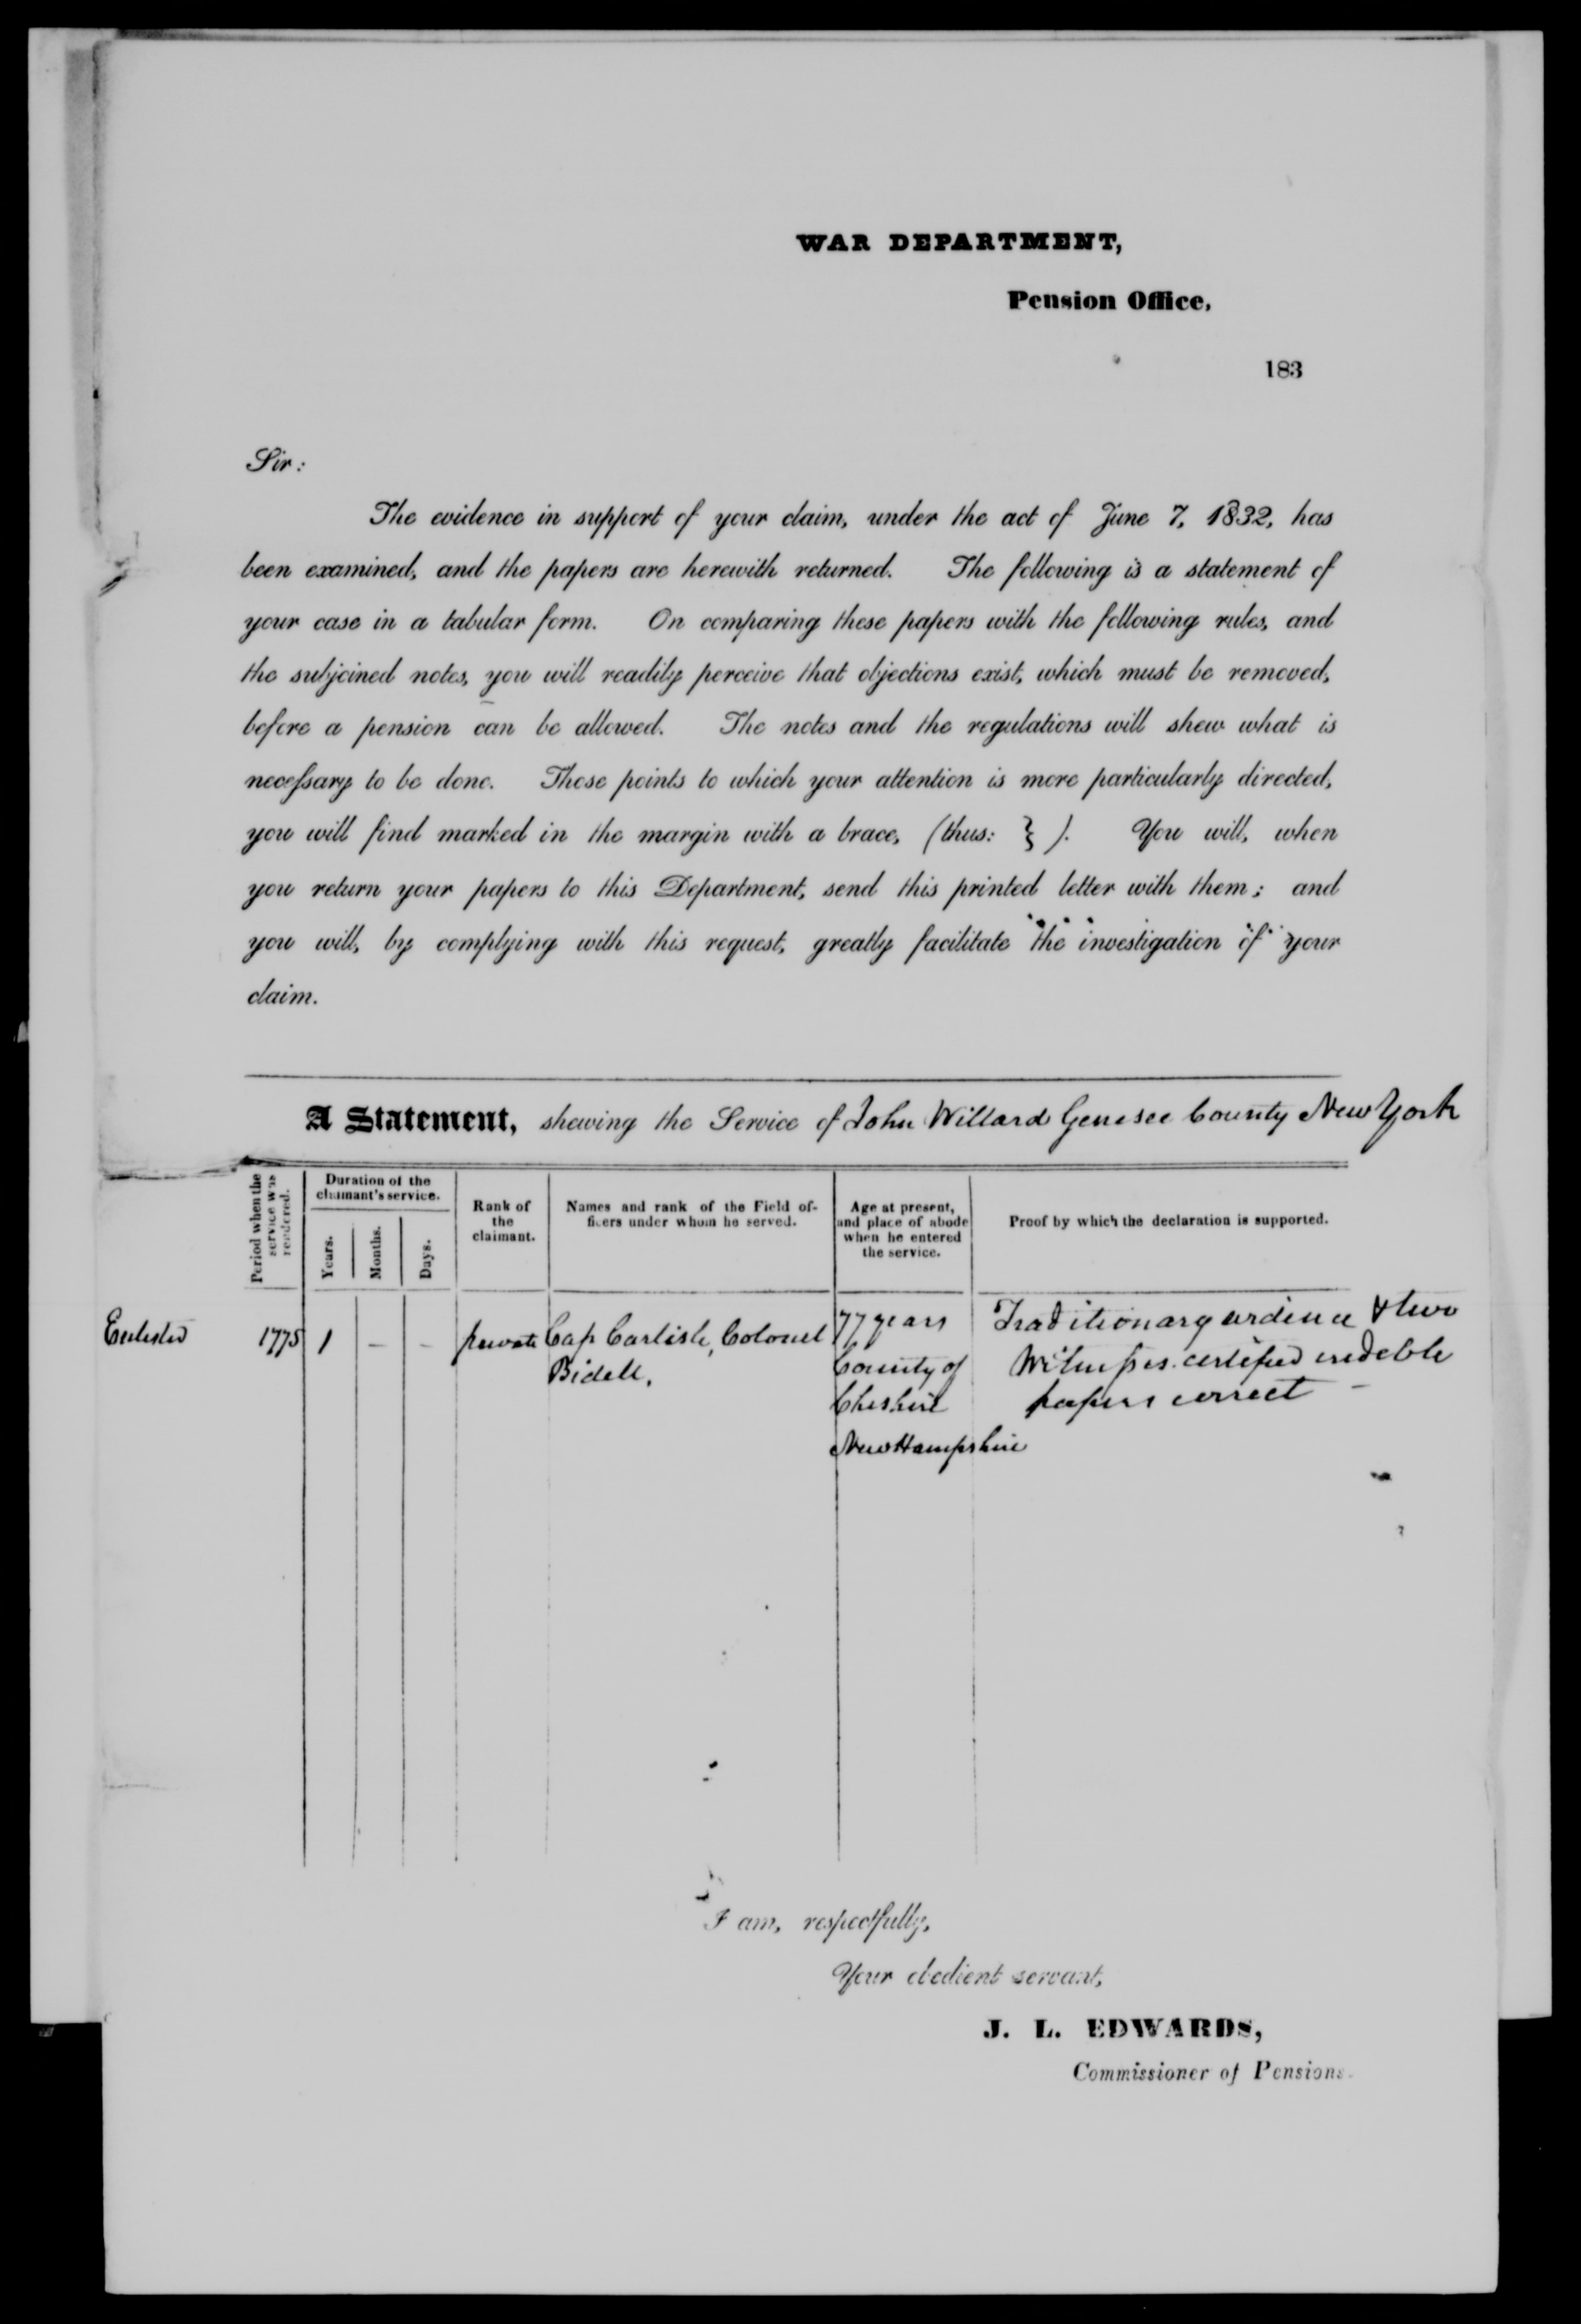WAR DEPARTMENT.
Pension Office,
183
Sir:
The evidence in support of your claim, under the act of June 7, 1832, has
been examined, and the papers are herewith returned. The following is a statement of
your case in a tabular form. On comparing these papers with the following rules, and
the subjoined notes, you will readily perceive that objections exist, which must be removed,
before a pension can be allowed. the notes and the regulations will shew what is
necessary to be done. Those points to which your attention is more particularly directed,
you will find marked in the margin with a brace, (thus: }). You will, when
you return your papers to this Department, send this printed letter with them; and
you will, by complying with this request, greatly facilitate the investigation of your
claim.
 [Chart]
Statement, showing the service of John Willard Genesee County New York
Period when the service was rendered
Enlisted 1775

Duration of the
claimant's service.
Year
1
Months
Days

Rank of
the
claimant.
private

Names and rank of the Field officers
under whom he served.
Cap Carlisle Colonel
Bidell,

Age at present,
and place of abode
when he entered
the service.
77 years

County of
Cheshire
New Hampshire

Proof by which the declaration is supported

Traditionary evidence & two
Witnesses certified credible
papers correct

I am, respectfully,
Your obedient servant,
J. L. EDWARDS,
Commissioner of Pensions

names: J L Edwards, Carlisle, Bidell, John Willard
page: 4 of 18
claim: survivor's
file: S. 11848, John Willard, N. H.